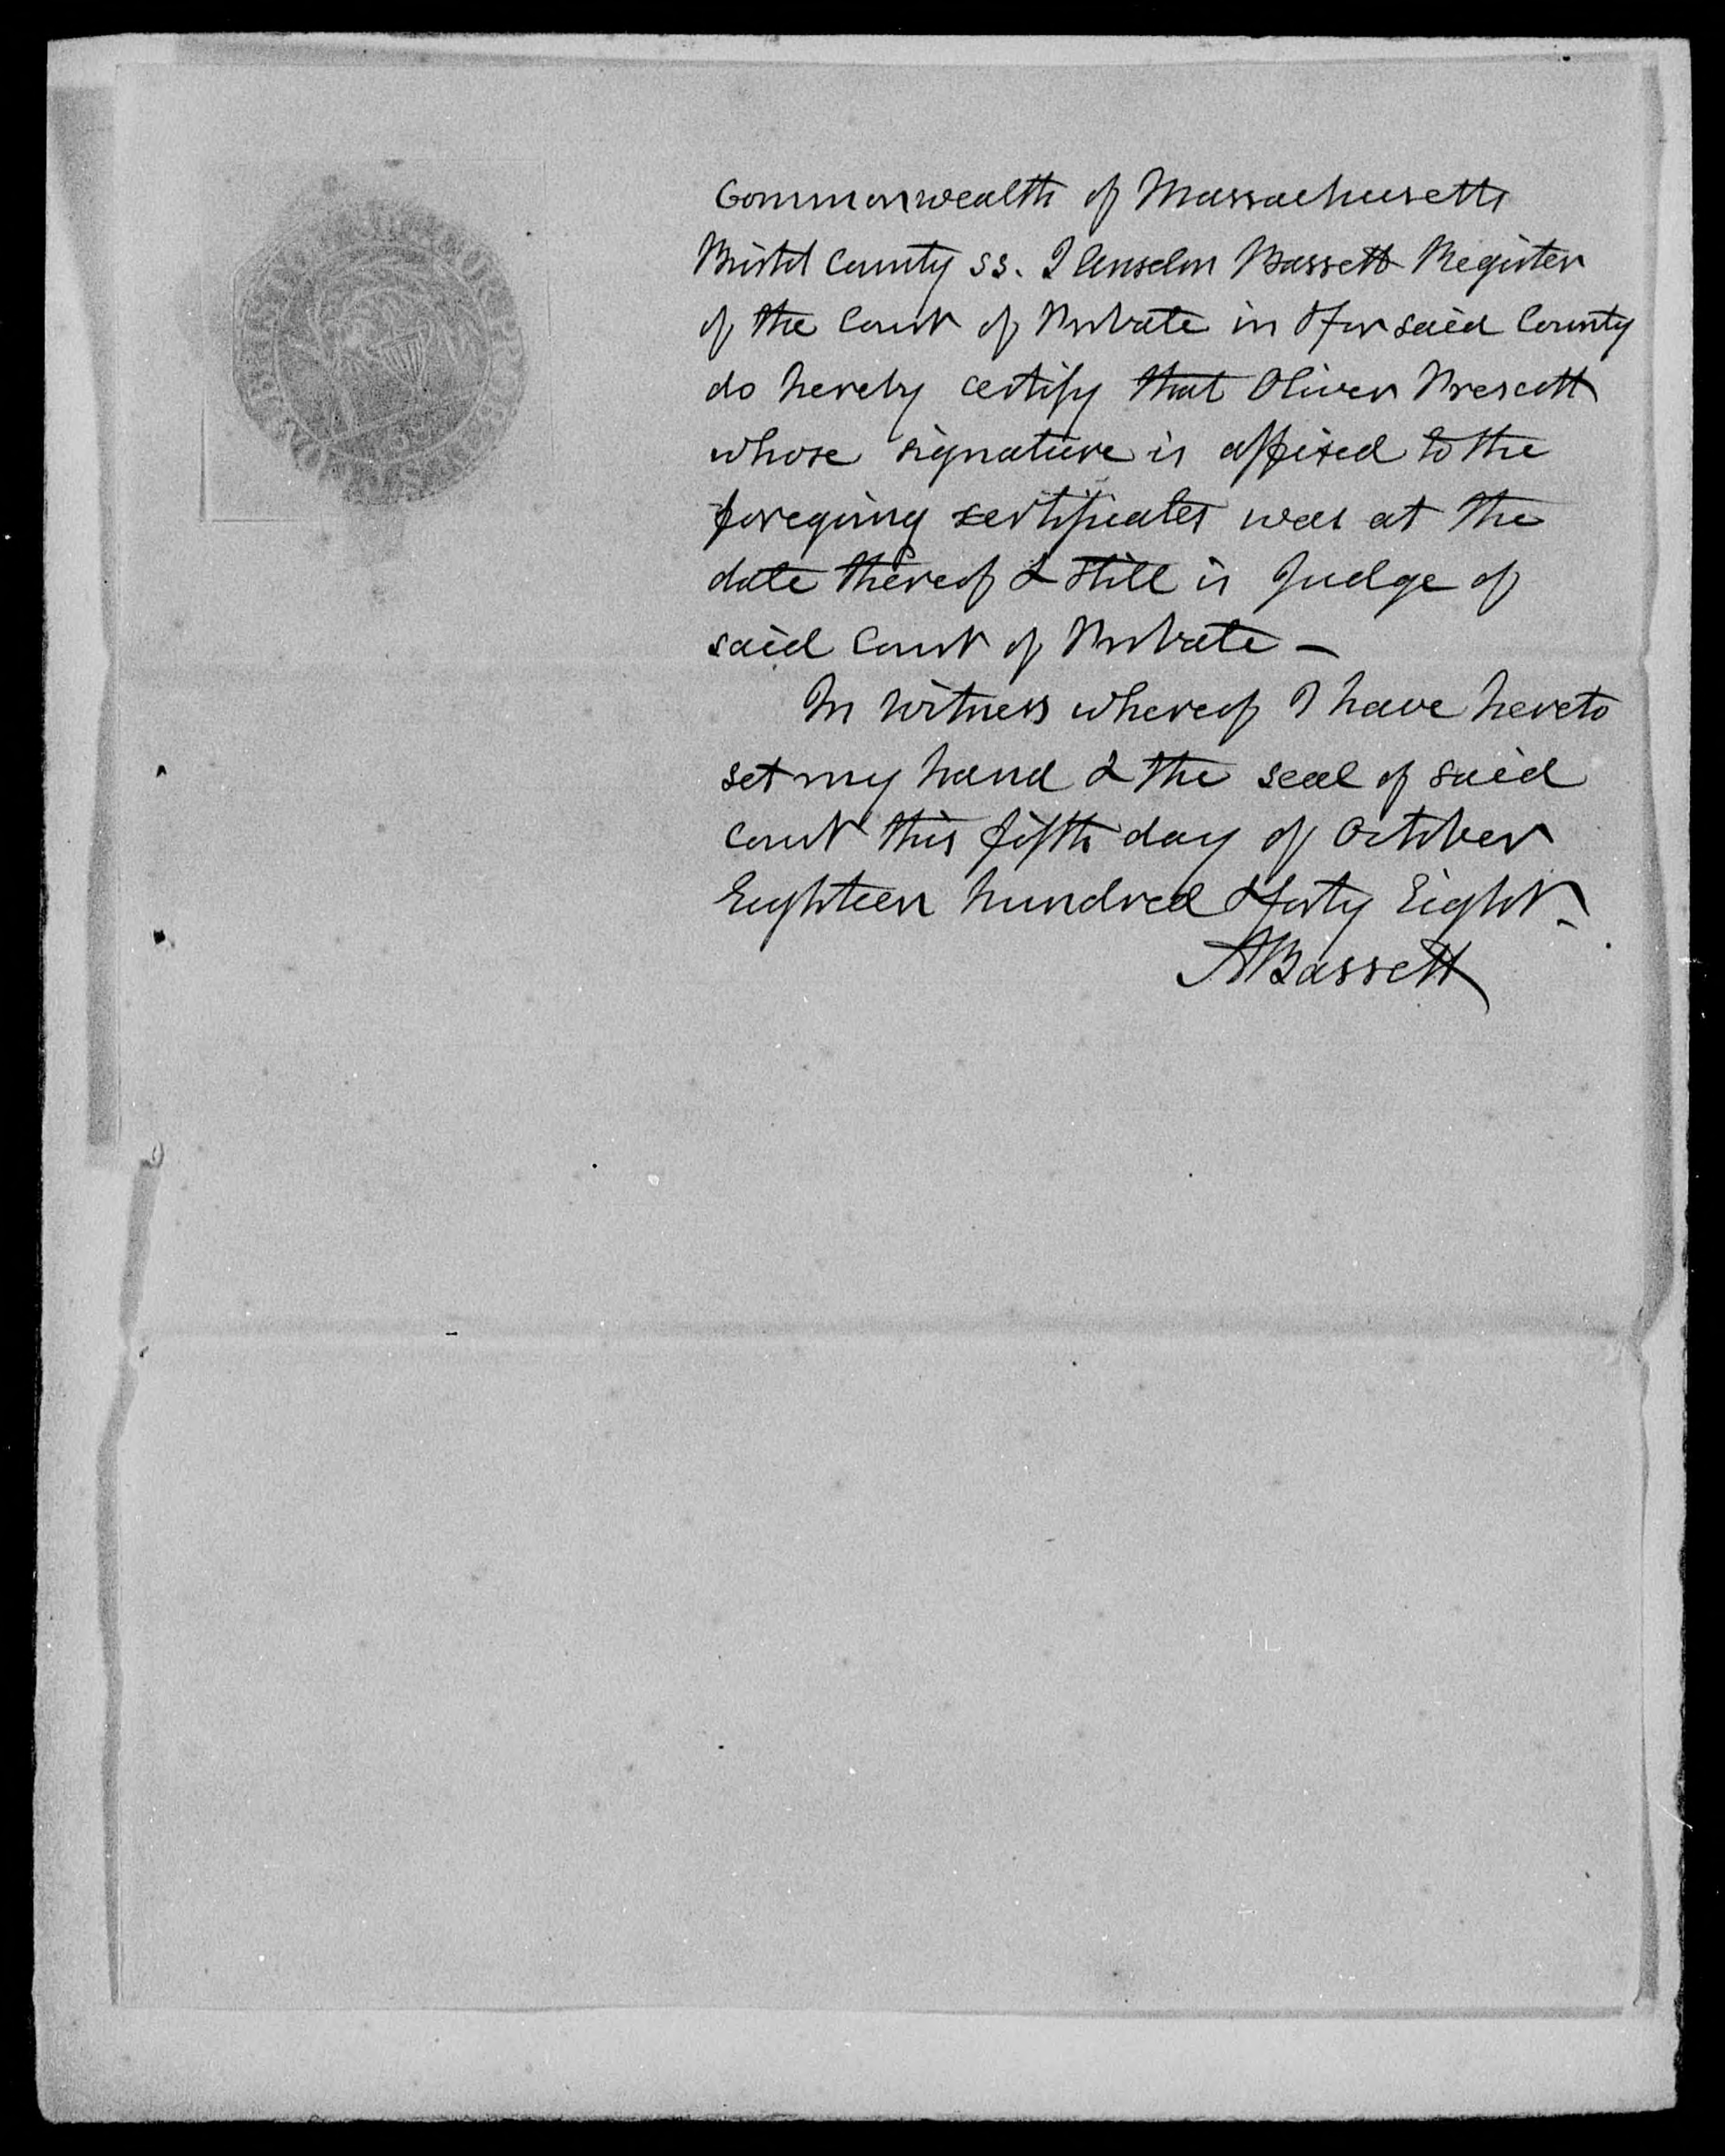Commonwealth of Massachusetts
Bristol County ss. 

I Ansel Bassett Register of the Court of Probate in & for said County do hereby certify that Oliver Prescott whose signature is affixed to the
foregoing certificates was at the date thereof & still is Judge of said Court of Probate-

In Witness whereof I have hereto set my hand & the seal of said Court this fifth day of October
Eighteen hundred & forty Eight
Signature of A Bassett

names: A Bassett, Anselm Bassett, Oliver Prescott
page: 13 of 36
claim: widow's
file: W. 8838, Elijah Gushee, Mass.